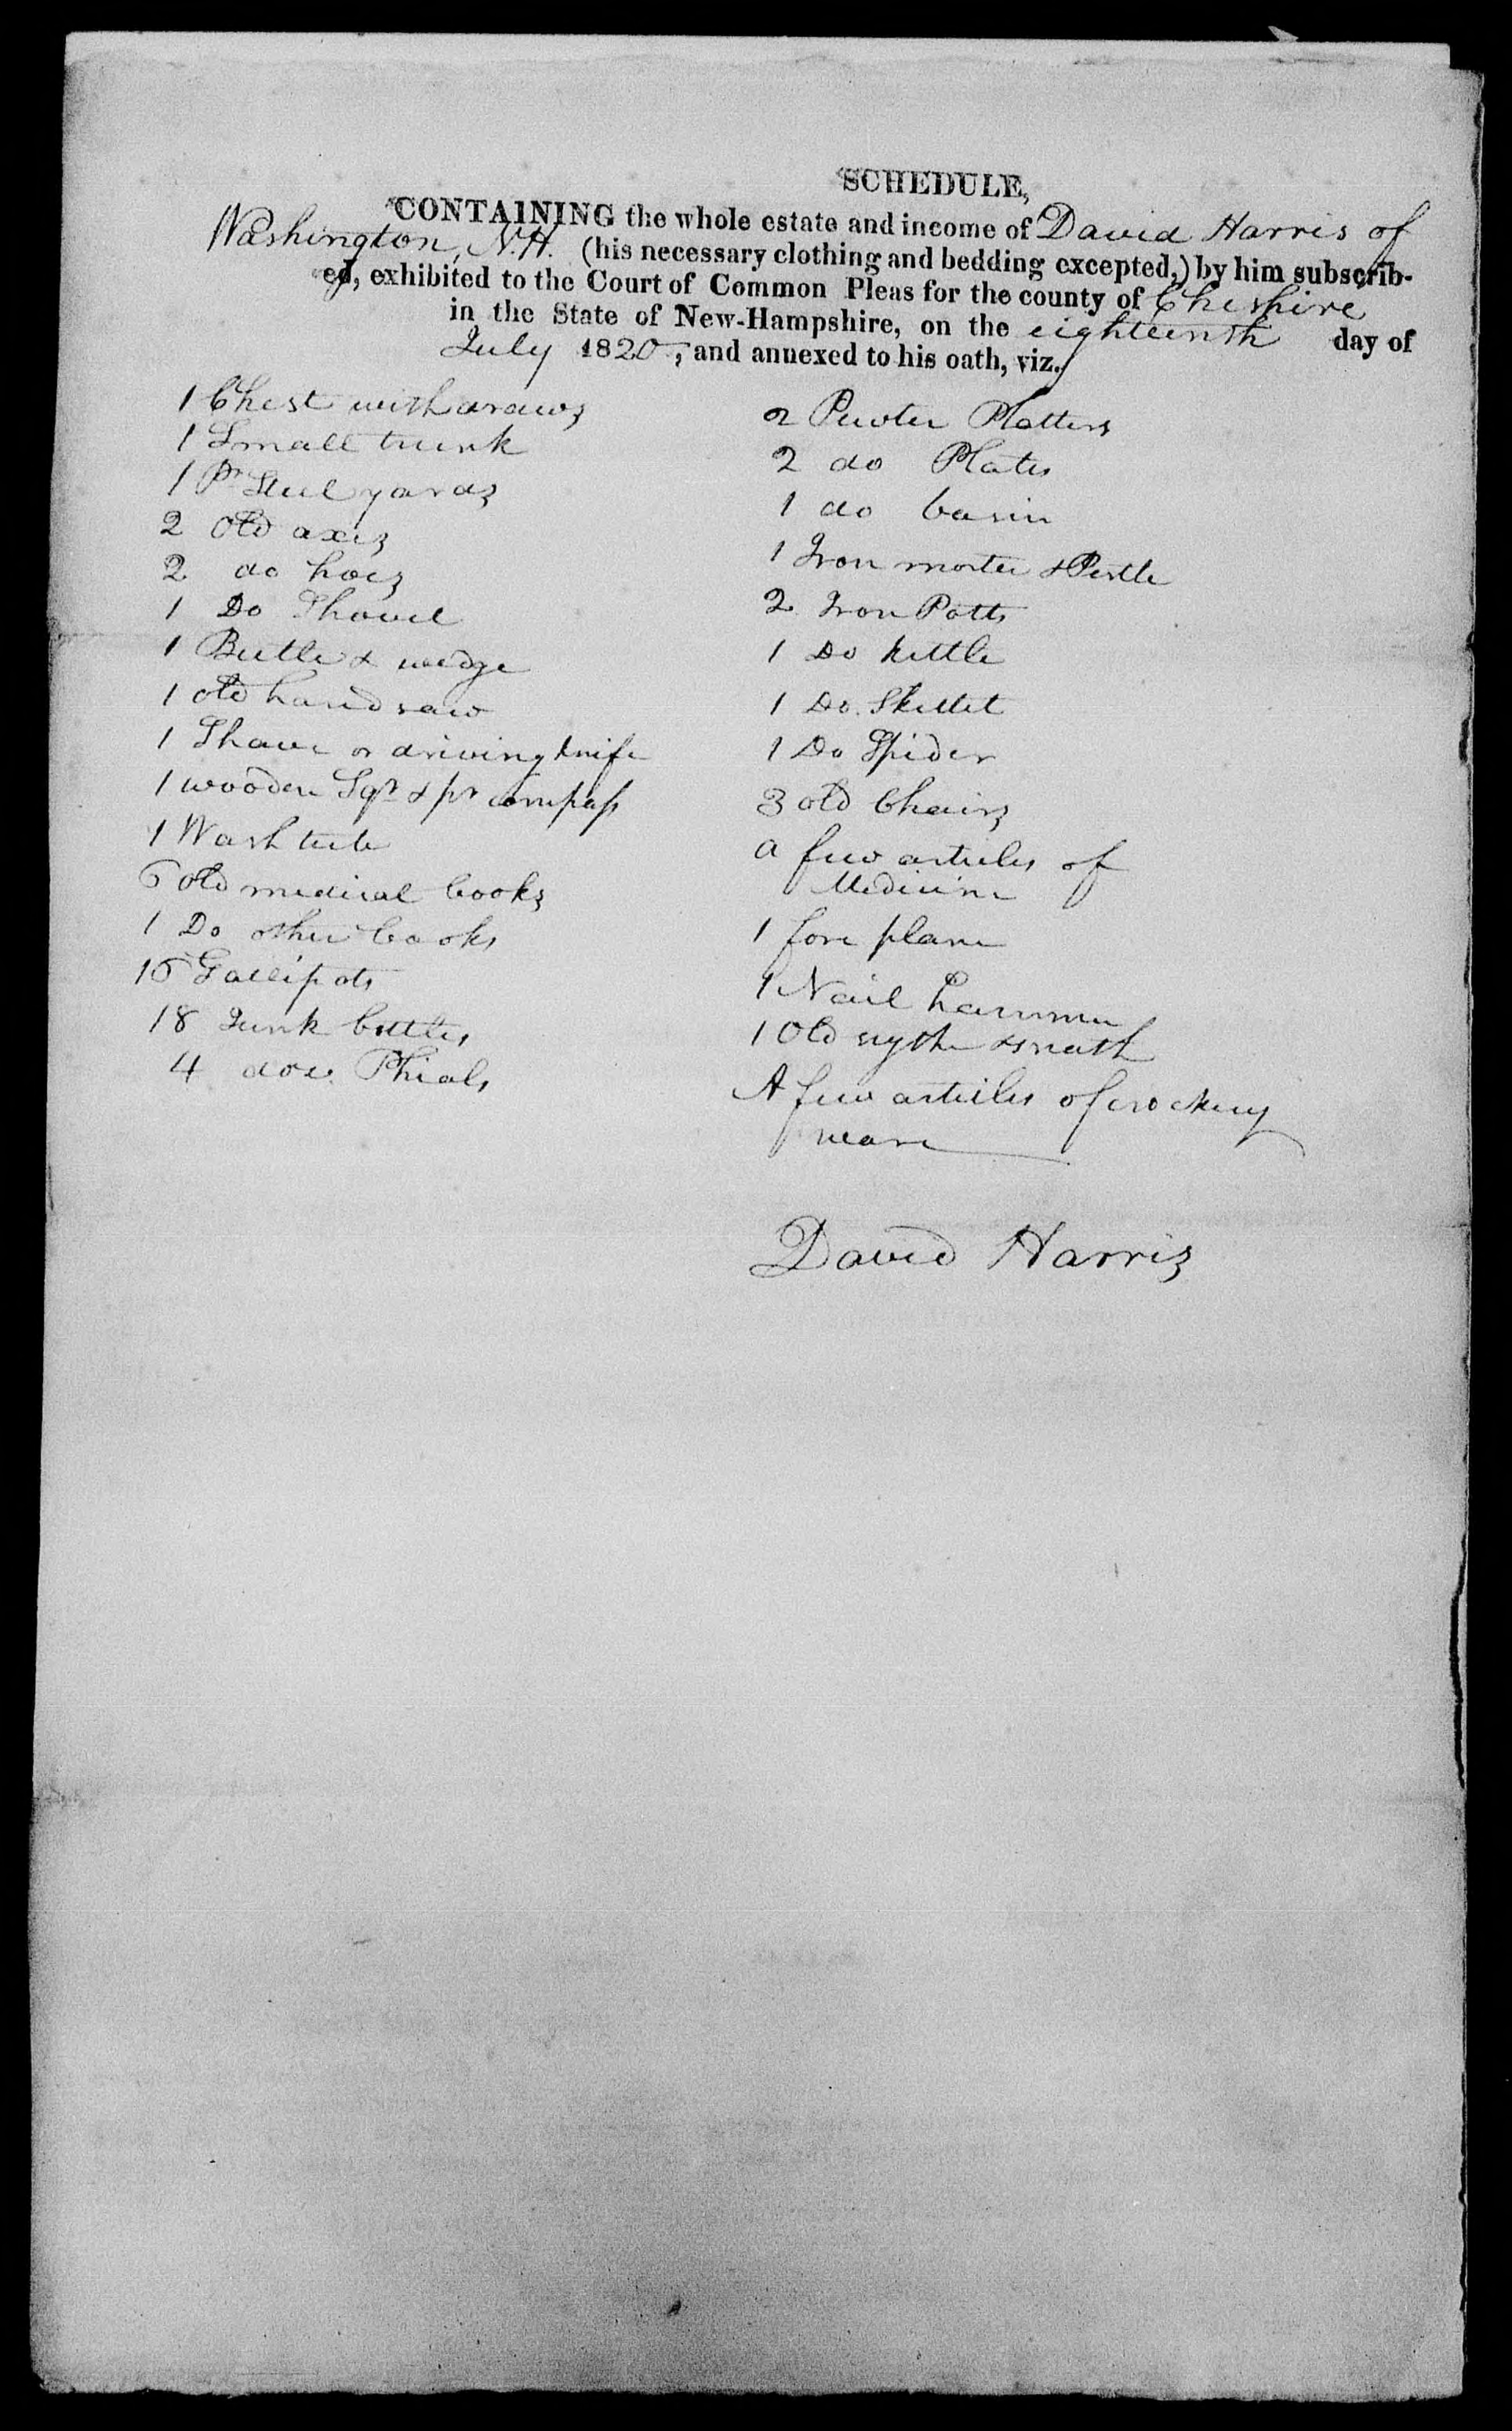SCHEDULE
CONTAINING the whole estate and income of David Harris of Washington, N.H. (his necessary clothing and bedding excepted,) by him subscribed, exhibited to the Court of Common Pleas for the county of Cheshire in the State of New Hampshire, on the eighteenth day of July 1820, and annexed to his oath, viz.

1 Chest with [drawers]
2 Pewter Platters
1 Small trunk
2 do[zen] Plates
1 Pr steel yards
1 do basin
2 old axes
1 [illegible] morter [mortar] and Pestle
1 Do hoes
2 [illegible]Potts [Pots]
1 Do Shovel
1 Do kettle
1 Butler and wedge
1 Do skillet
1 old hand saw
1 Do [spider]
1 Shave or driving knife
1 wooden [illegible]
3 old chairs
1 wash tub
a few articles of medicine
6 old medical books
1 fore plane
1 Do other books
1 nail hammer
10 Gallipots
1 old [illegible]
4 dose Phials [vials]
A few articles of crockery
[illegible] 
David Harris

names: David Harris, David Harris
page: 7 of 11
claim: survivor's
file: S. 44393, David Harris, Mass.